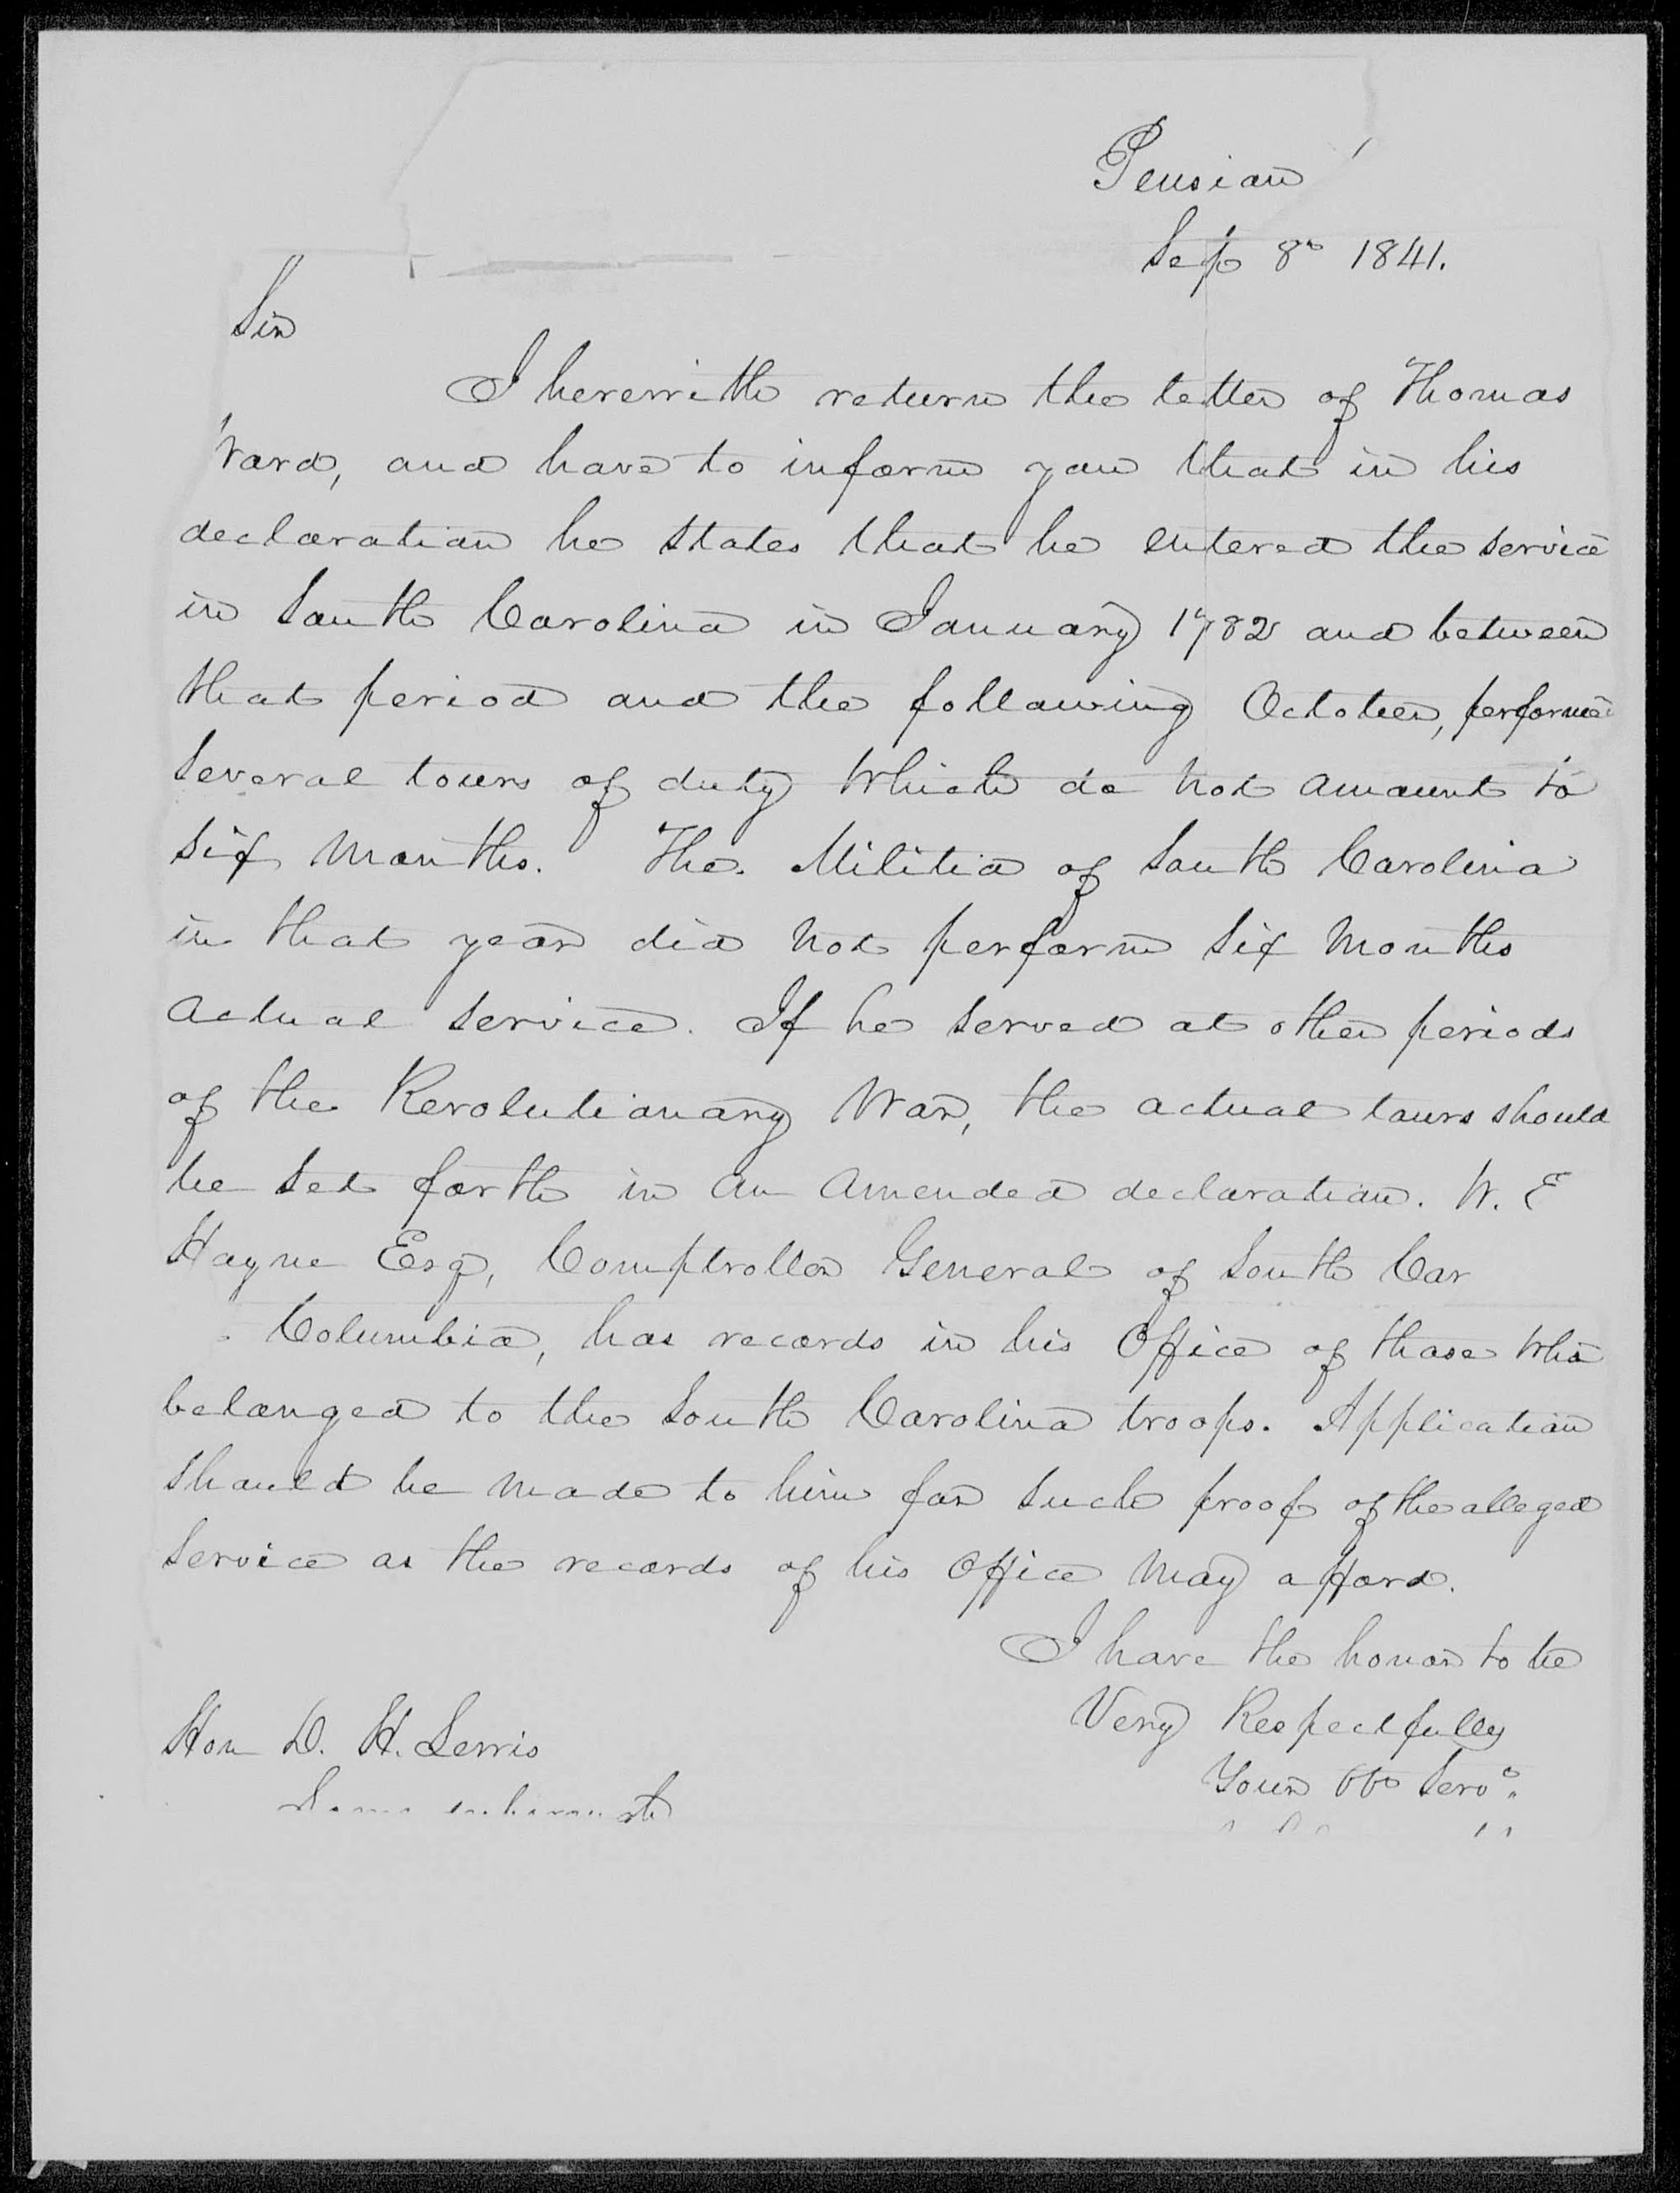Pension
Sept 8th  1841.
Sir
I herewith return the letter of Thomas Ward, and have to inform you that in his declaration he states that he entered the Service in South Carolina in January 1782 and between that period and the following October, performed Several tours of duty Which do not amount to Six Months.   The Militia of South Carolina in that year did not perform Six Months actual Service.   If he Served at other periods of the Revolutionary War, the actual tours should be Set forth in an amended declaration.  W. E. Hayne Esq,  Comptroller General of South Car. Columbia, , has records in his Office of those who belonged to the South Carolina troops. Application Should be made to him for such proof of the alleged Service as the records of his Office may afford.
I have the honor to be Very Respectfully Your Obt. Servt. [signature not visible]

Hon. D. H. Lewis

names: W E Hayne, D H Lewis, Thomas Ward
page: 14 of 31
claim: survivor's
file: S. 14802, Thomas Ward, S.C.